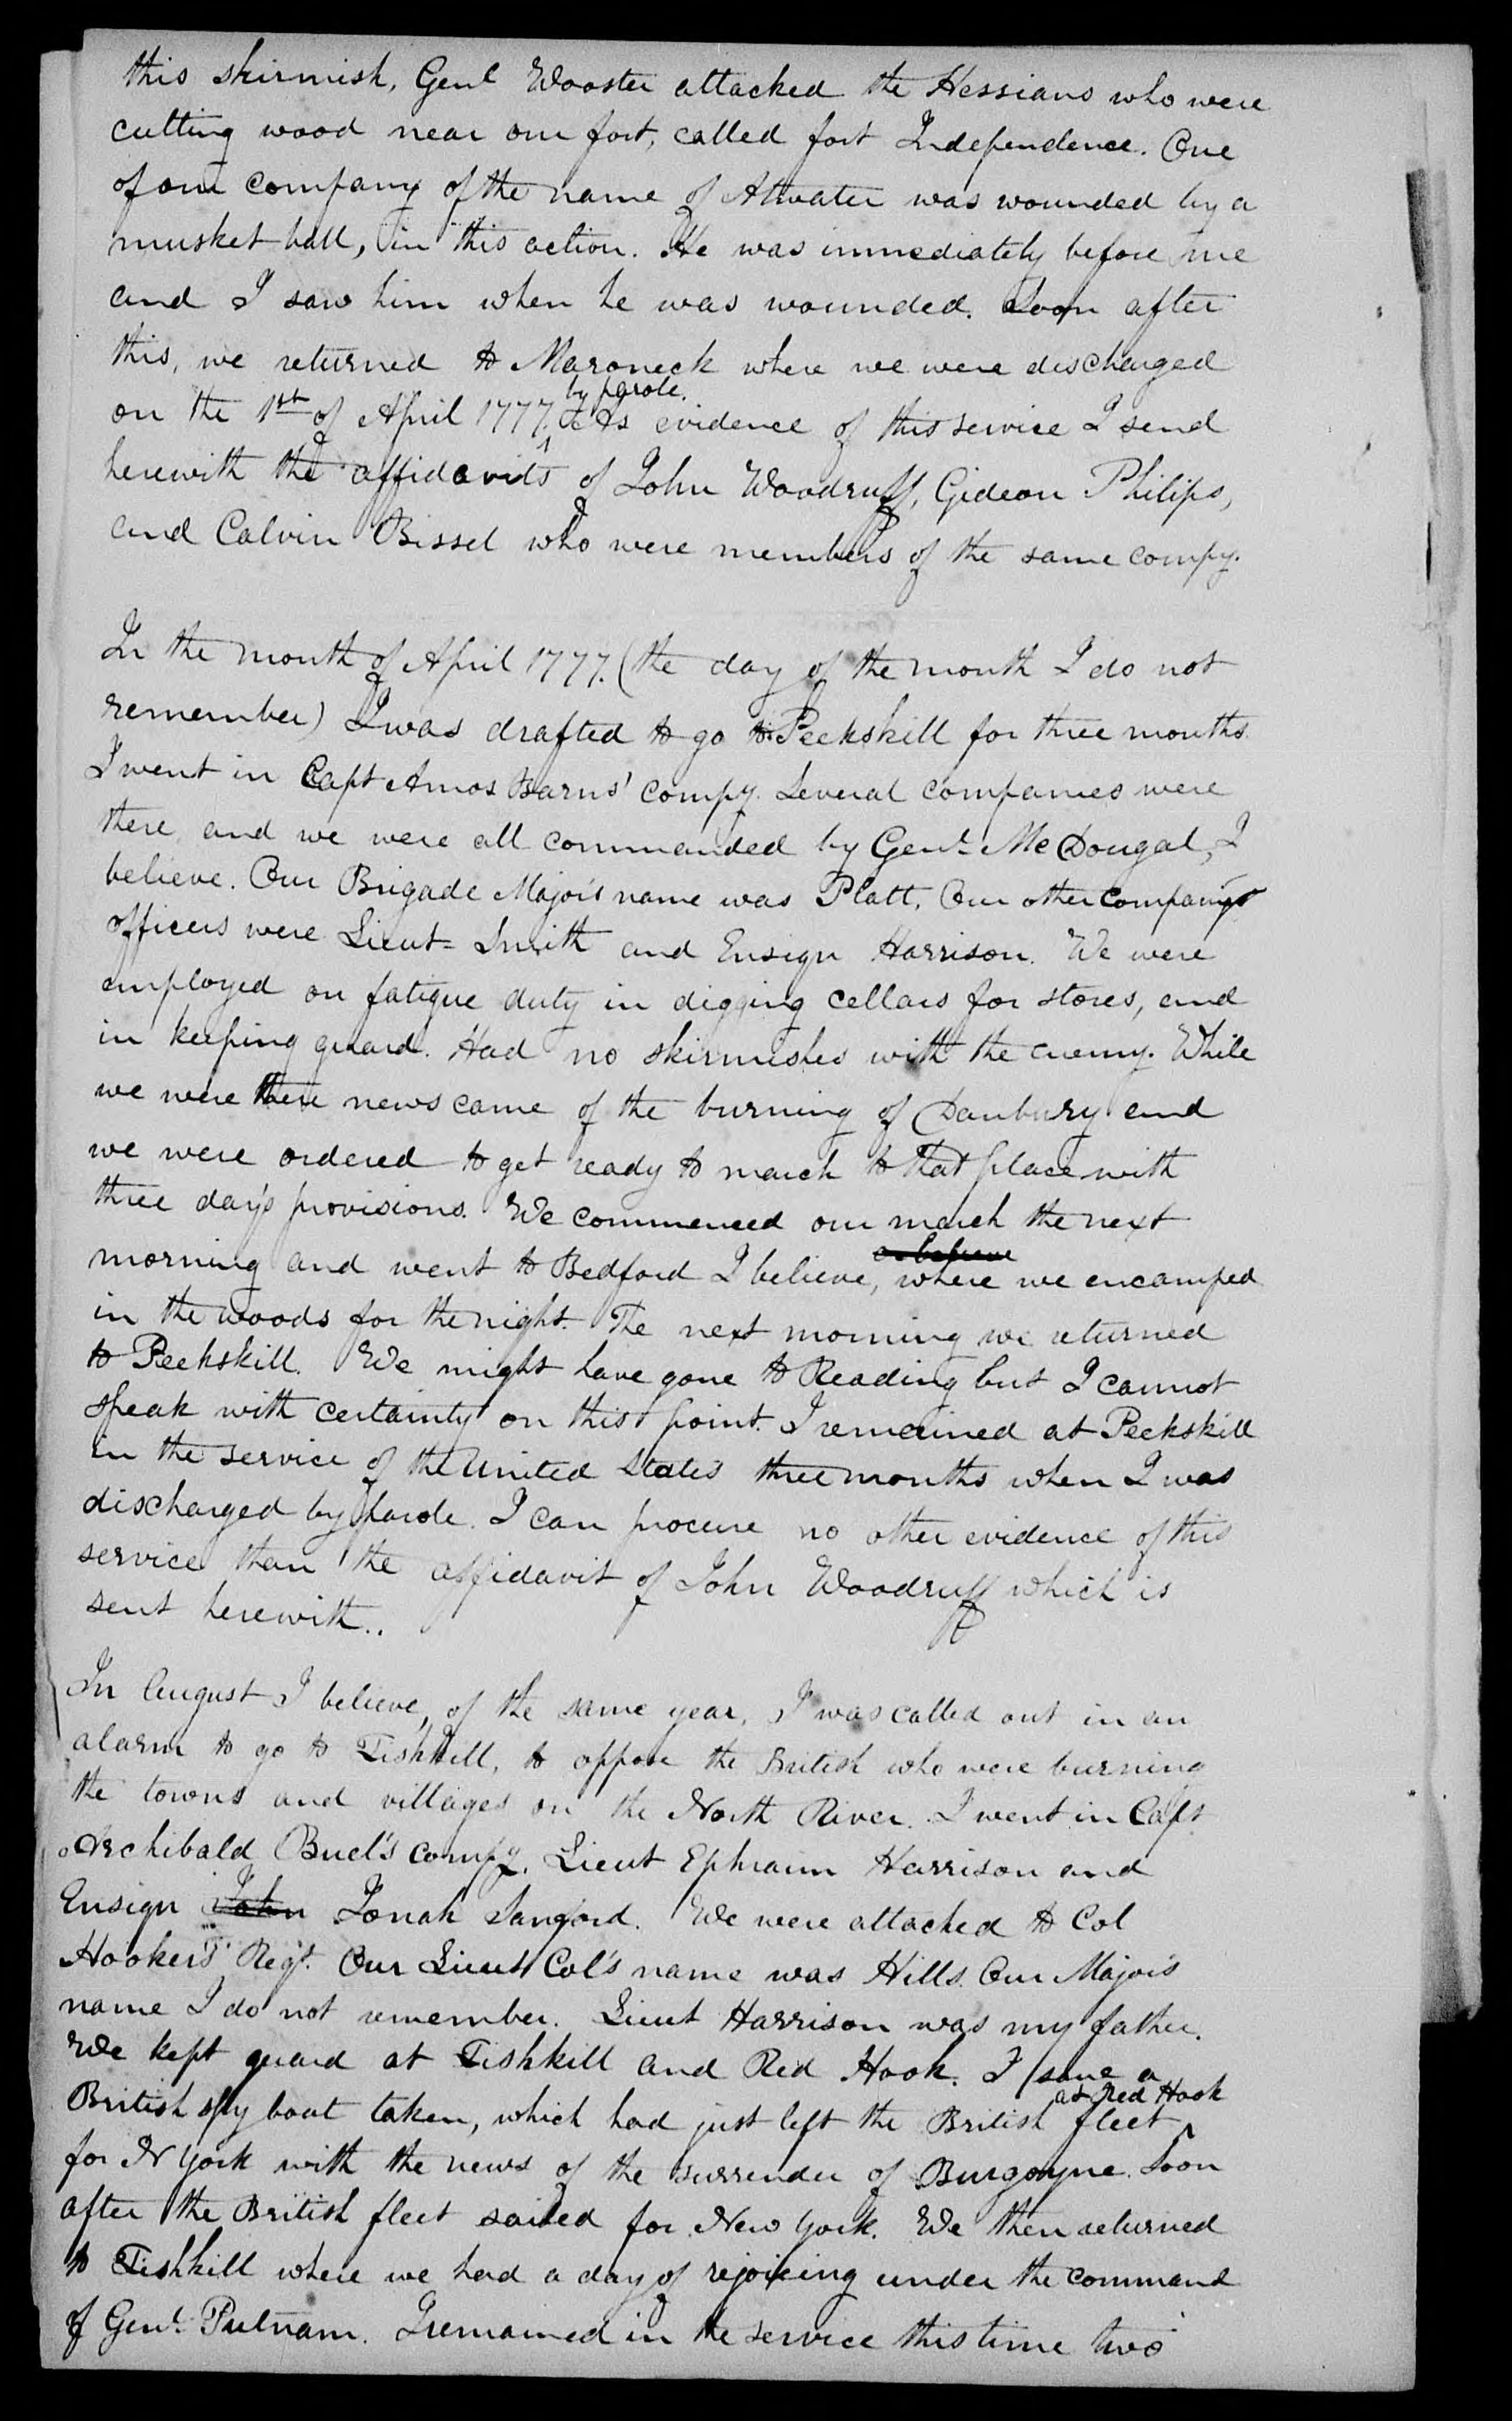this skirmish, Gen. Wooster attacked the Hessians who were cutting wood near our fort, called Fort Independence. One of our company of the name of Atwater was wounded by a musket ball, in this action. He was immediately before me and I saw him when he was wounded. Soon after this, we returned to Maroneck where we were discharged on the 1st of April 1777 by parole. As evidence of this service I send herewith the affidavits of John Woodruff, Gideon Philips and Calvin Bissell who were members of the same company.
 
In the month of April 1777 (the day of the month I do not remember) I was drafted to go to Peekskill for three months. I went in Capt. Amos Barns' Company. Several companies were there and we were all commanded by Gen'l. McDougal, I believe. Our Brigade Major's name was Platt. Our other company officers were Lieut Smith and Ensign Harrison. We were employed on fatigue duty in digging cellars for stores, and in keeping guard. Had no skirmishes with the enemy. While we were there news came of the burning of Danbury and we were ordered to get ready to march to that place with three day's provisions. We commenced our march the next morning and went to Bedford, I believe, where we encamped in the woods for the night. The next morning we returned to Peekskill. We might have gone to Reading but I cannot speak with certainty on this point. I remained at Peekskill in the service of the United States three months when I was discharged by parole. I can procure no other evidence of this service other than the affidavit of John Woodruff which is sent herewith.
 
In August, I believe, of the same year, I was called out in an alarm to go to Fishkill, to oppose the British who were burning the towns and villages on the North River. I went in Capt. Archibald Buel's Company. Lieut Ephraim Harrison and Ensign Jonah Sanford. We were attached to Col. Hooker's Regt. Our Lieut Col's name was Hills, our Major's name I do not remember. Lieut Harrison was my father. We kept guard at Fishkill and Red Hook. I saw a British spy boat taken, which had just left the British fleet at Red Hook for N York with the news of the surrender of Burgoyne. Soon after the British fleet sailed for New York. We then returned to Fishkill where we had a day of rejoicing under the command of Gen'l. Putnam. I remained in the service this time two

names: Platt, Mc Dougal, Wooster, John Woodruff, John Woodruff, Gideon Philips, Ephraim Harrison, Harrison, Jonah Sanford, Calvin Bissel, Atwater, Putnam, Harrison, Hills, Smith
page: 4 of 22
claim: survivor's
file: S. 16137, Solomon Harrison, Conn.